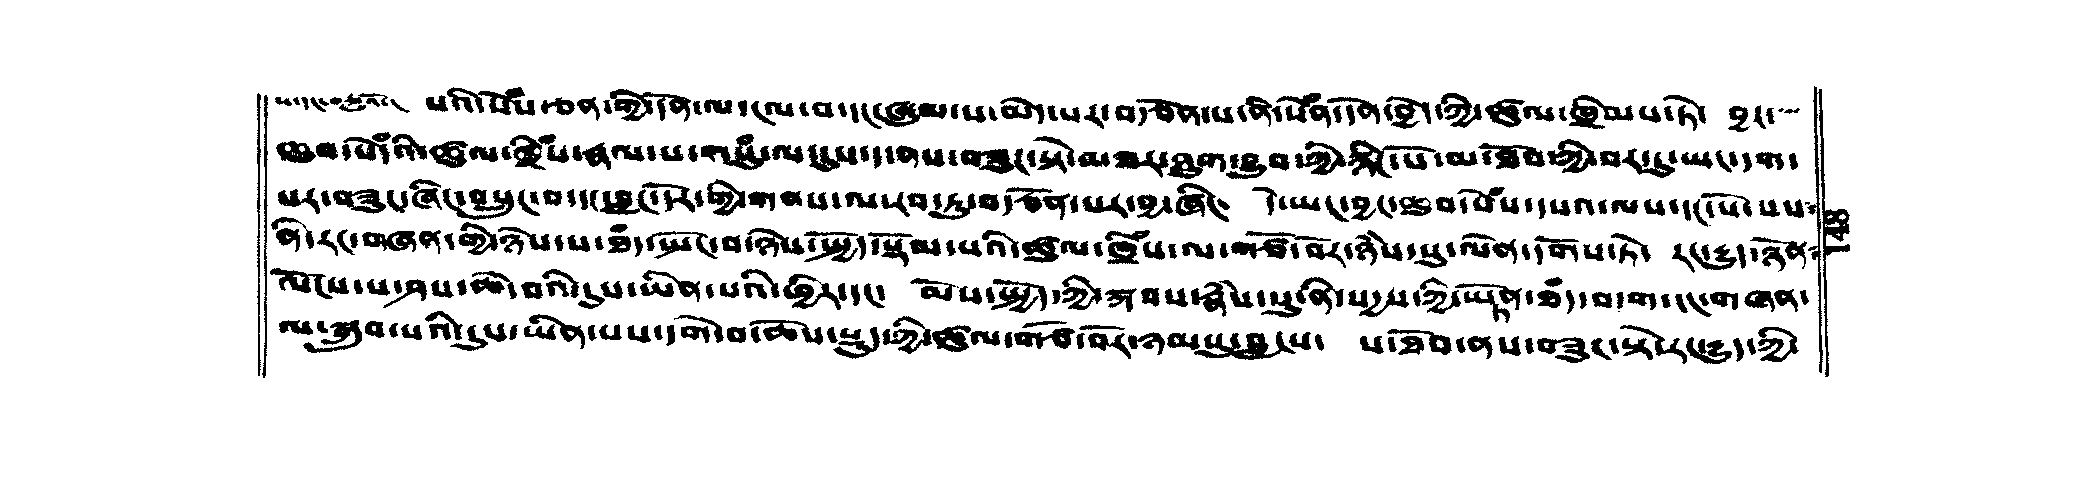པའི་སེམས་ཅན་གྱི་དོན་ལ་ངལ་བ་དང་ཞུམ་པ་མེད་པར་བརྩོན་པ་ནི་སེམས་ཅན་དོན་བྱེད་ཀྱི་ཚུལ་ཁྲིམས་ཏེ། བྱང་
ཆུབ་སེམས་དཔའི་ཚུལ་ཁྲིམས་རྣམས་པ་གསུམ་ལ་དུས་དག་ནས་བཟུང་སྟེ་མཐར་ཐུག་བྱང་ཆུབ་ཀྱི་སྙིང་པོ་མ་ཐོབ་ཀྱི་བར་དུ་ཡང་དག་
པར་བཟུང་ཞིང་བསྲུང་བ་དང་བླང་དོར་གྱི་གནས་ལ་རབ་ཏུ་བརྩོན་པར་བྱ་ཞིང་། དེ་ཡང་བྱང་ཆུབ་སེམས་དཔའ་ལས་དང་པོ་པས་
ནི་རང་གཞན་གྱི་ཉེ་པ་ཐམས་ཅད་སྤོང་བ་ཉེས་སྤྱོད་སྡོམ་པའི་ཚུལ་ཁྲིམས་ལ་གཙོ་བོར་ཉམས་སུ་ལེན་དགོས་ཏེ། རང་རྒྱུད་ཉོན་
མངོས་པ་ཤས་ཆེ་བའི་དུས་ཡིན་པའི་ཕྱོར་དང་། མོས་སྤྱོད་ཀྱི་སྐབས་རྣམས་སུ་ནི་སངས་རྒྱས་ཀྱི་ཡོན་ཏན་ཐམས་ཅད་བདག་དང་གཞན་
ལ་སྒྲུབ་པའི་དུས་ཡིན་པས་དགེ་བ་ཆོས་སྡུད་ཀྱི་ཚུལ་གཙོ་བོར་ཉམས་སུ་བླངས། ས་ཐོབ་ནས་བཟུང་སྟེ་རང་རྒྱུད་ཀྱི་